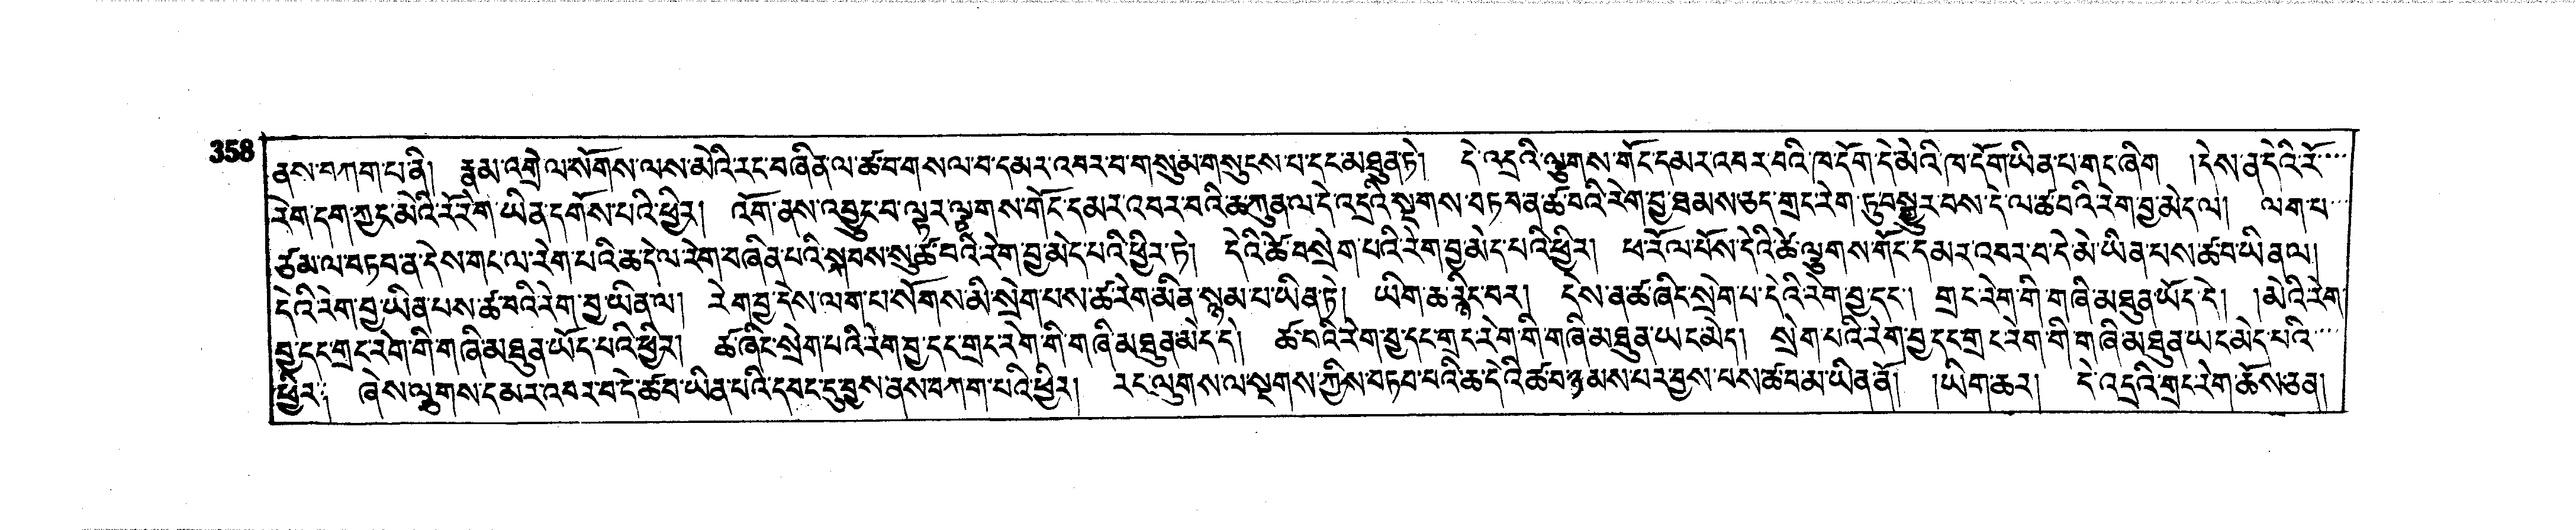ནས་བཀག་པ་ནི། རྣམ་འགྲེལ་སོགས་ལས་མེའི་རང་བཞིན་ལ་ཚ་བ་གསལ་བ་དམར་འབར་བ་གསུམ་གསུངས་པ་དང་མཐུན་ཏེ། དེ་འདྲའི་ལྕགས་གོང་དམར་འབར་བའི་ཁ་དོག་དེ་མེའི་ཁ་དོག་ཡིན་པ་གང་ཞིག །དེས་ན་དེའི་རོ་
རེག་དག་ཀྱང་མེའི་རོ་རེག་ཡིན་དགོས་པའི་ཕྱིར། འོག་ནས་འབྱུང་བ་ལྟར་ལྕགས་གོང་དམར་འབར་བའི་ཆ་ཀུན་ལ་དེ་འདྲའི་སྔགས་བཏབ་ན་ཚ་བའི་རེག་བྱ་ཐམས་ཅད་གྲང་རེག་ཏུ་བསྒྱུར་བས་དེ་ལ་ཚ་བའི་རེག་བྱ་མེད་ལ། ལག་པ་
ཙམ་ལ་བཏབ་ན་དེས་གང་ལ་རེག་པའི་ཆ་དེ་ལ་རེག་བཞིན་པའི་སྐབས་སུ་ཚ་བའི་རེག་བྱ་མེད་པའི་ཕྱིར་ཏེ། དེའི་ཚེ་བསྲེག་པའི་རེག་བྱ་མེད་པའི་ཕྱིར། ཕ་རོལ་པོས་དེའི་ཚེ་ལྕགས་གོང་དམར་འབར་བ་དེ་མེ་ཡིན་པས་ཚ་བ་ཡིན་ལ།
དེའི་རེག་བྱ་ཡིན་པས་ཚ་བའི་རེག་བྱ་ཡིན་ལ། རེག་བྱ་དེས་ལག་པ་སོགས་མི་སྲེག་པས་ཚ་རེག་མིན་སྙམ་པ་ཡིན་ཏེ། ཡིག་ཆ་རྙིང་བར། དེས་ན་ཚ་ཞིང་སྲེག་པ་དེའི་རེག་བྱ་དང་། གྲང་རེག་གི་གཞི་མཐུན་ཡོད་དེ། །མེའི་རེག་
བྱ་དང་གྲང་རེག་གི་གཞི་མཐུན་ཡོད་པའི་ཕྱིར། ཚ་ཞིང་སྲེག་པའི་རེག་བྱ་དང་གྲང་རེག་གི་གཞི་མཐུན་མེད་དེ། ཚ་བའི་རེག་བྱ་དང་གྲང་རེག་གི་གཞི་མཐུན་ཡང་མེད། སྲེག་པའི་རེག་བྱ་དང་གྲང་རེག་གི་གཞི་མཐུན་ཡང་མེད་པའི་
ཕྱིར། ཞེས་ལྕགས་དམར་འབར་བ་དེ་ཚ་བ་ཡིན་པའི་དབང་དུ་བྱས་ནས་བཀག་པའི་ཕྱིར། རང་ལུགས་ལ་སྔགས་ཀྱིས་བཏབ་པའི་ཆ་དེའི་ཚ་བ་ཉམས་པར་བྱས་པས་ཚ་བ་མ་ཡིན་ནོ། །ཡིག་ཆར། དེ་འདྲའི་གྲང་རེག་ཆོས་ཅན།